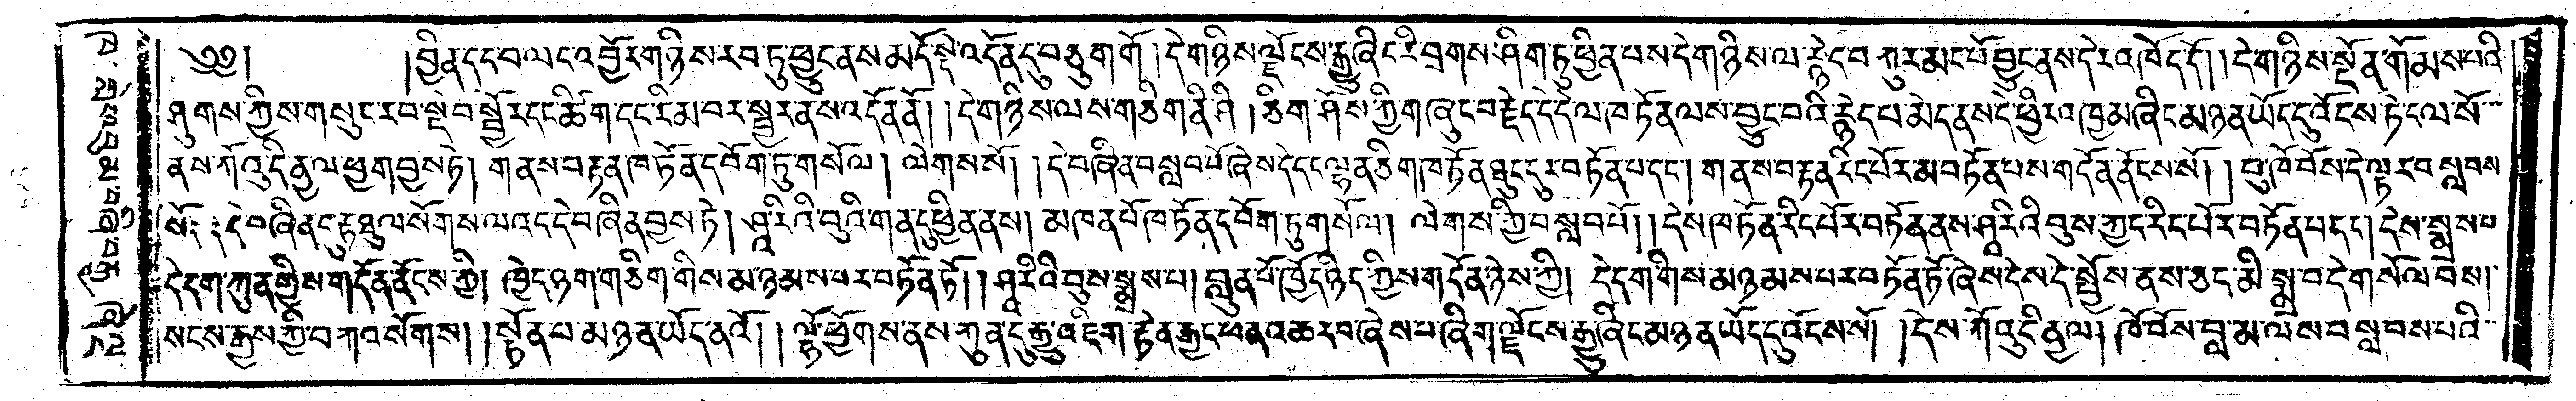༄༅། །བྱིན་དང་བ་ལང་འབྱོར་གཉིས་རབ་ཏུ་ཕྱུང་ནས་མདོ་སྡེ་འདོན་དུ་བཅུག་གོ །དེ་གཉིས་ལྗོངས་རྒྱུ་ཞིང་རི་བྲགས་ཤིག་ཏུ་ཕྱིན་པས་དེ་གཉིས་ལ་རྙེད་བཀུར་མང་པོ་བྱུང་ནས་དེར་འཁོད་དོ། །དེ་གཉིས་སྔོན་གོམས་པའི་
ཤུགས་ཀྱིས་གསུང་རབ་སྡེབ་སྦྱོར་དང་ཚིག་དང་རིམ་པར་སྦྱར་ནས་འདོན་ནོ། །དེ་གཉིས་ལས་གཅིག་ནི་ཤི་།ཅིག་ཤོས་ཀྱི་གཞུང་བརྗེད་དེ་དེ་ལ་ཁ་ཏོན་ལས་བྱུང་བའི་རྙེད་པ་མེད་ནས་དེ་ཕྱིར་འཁྱམ་ཞིང་མཉན་ཡོད་དུ་འོངས་ཏེ་དལ་སོ་
ནས་ཀོའུ་དེ་ནྱ་ལ་ཕྱག་བྱས་ཏེ། གནས་བརྟན་ཁ་ཏོན་དབོག་ཏུ་གསོལ། ལེགས་སོ། །དེ་བཞིན་བསླབ་པོ་ཞེས་དེ་དང་ལྷན་ཅིག་ཁ་ཏོན་ཐུང་དུར་བཏོན་པ་དང་། གནས་བརྟན་རིང་པོར་མ་བཏོན་པས་གདོན་ནོངས་སོ། །བུ་ཁོ་བོས་དེ་ལྟར་བསླབས་
སོ༑ ༑དེ་བཞིན་དུ་རྟ་ཐུལ་སོགས་ལའང་དེ་བཞི་བྱས་ཏེ། ཤཱ་རིའི་བུའི་གན་དུ་ཕྱིན་ནས། མཁན་པོ་ཁ་ཏོན་དབོག་ཏུ་གསོལ། ལེགས་ཀྱི་བསླབ་བོ། །དེས་ཁ་ཏོན་རིང་པོར་བཏོན་ནས་ཤཱ་རིའི་བུས་ཀྱང་རིང་པོར་བཏོན་པ་དང་། དེས་སྨྲས་པ་
དེ་དག་ཀུན་གྱིས་གདོན་ནོངས་ཀྱིས། ཁྱེད་ཉག་གཅིག་གིས་མ་ཉམ་པར་བཏོན་ཏོ། །ཤཱ་རིའི་བུས་སྨྲས་པ། བླུན་པོ་ཁྱོད་ཉི་ཀྱིས་གདོན་ཉེས་ཀྱི། དེ་དག་གིས་མཉམས་པར་བཏོན་ཏོ་ཞེས་དེས་དེ་སྤྱོས་ནས་ཅང་མི་སྨྲ་བ་དེ་གསོལ་བས།
སངས་རྒྱས་ཀྱི་བཀའ་སོགས། །སྟོན་པ་མཉན་ཡོད་ནའོ། །ལྷོ་ཕྱོགས་ནས་ཀུན་དུ་རྒྱུ་འཇིག་རྟེན་རྒྱང་ཕན་འཆར་བ་ཞེས་པ་ཞིག་ལྗོངས་རྒྱུ་ཞིང་མཉན་ཡོད་དུ་འོངས་སོ། །དེས་ཀོའུ་ངི་ནྱ་ལ། ཁོ་བོས་བླ་མ་ལས་བསླབས་པའི་